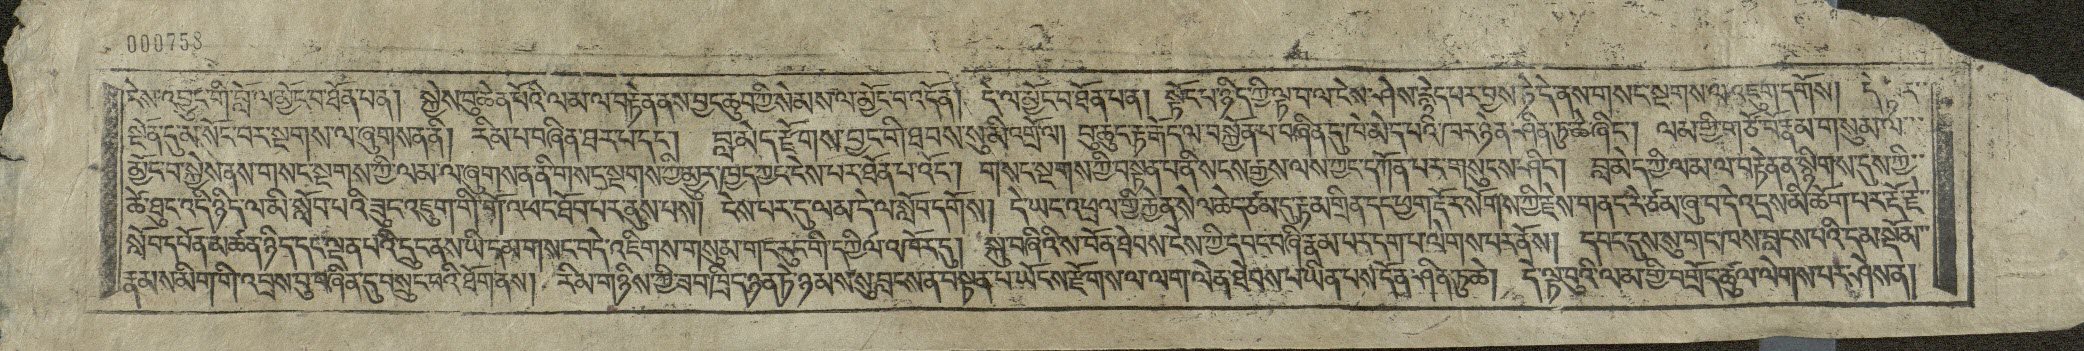ངེས་འབྱུང་གི་བློ་ལ་མྱོང་བ་ཐོན་པ་ན། སྐྱེས་བུ་ཆེན་པོའི་ལམ་ལ་བརྟེན་ནས་བྱང་ཆུབ་ཀྱི་སེམས་ལ་མྱོང་བ་འདོན། དེ་ལ་མྱོང་བ་ཐོན་པ་ན། སྟོང་པ་ཉིད་ཀྱི་ལྟ་བ་ལ་ངེས་ཤེས་རྙེད་པར་བྱས་ཏེ་དེ་ནས་གསང་སྔགས་ལ་འཇུག་དགོས། དེ་ལྟར་
སྔོན་དུ་མ་སོང་བར་སྔགས་ལ་ཞུགས་ན་ནི། རིམ་པ་བཞིན་ཐར་པ་དང་། བླ་མེད་རྫོགས་བྱང་གི་ཐབས་སུ་མི་འགྲོ་ལ། བུ་ཆུང་རྟ་རྒོད་ལ་བསྐྱོན་པ་བཞིན་དུ་ཁེ་མེད་པའི་ཁར་ཉེན་ཤིན་ཏུ་ཆེ་ཞིང་། ལམ་གྱི་གཙོ་བོ་རྣམ་གསུམ་ལ་
མྱོང་བ་སྐྱེས་ནས་གསང་སྔགས་ཀྱི་ལམ་ལ་ཞུགས་ན་ནི་གསང་སྔགས་ཀྱི་མྱུར་ཁྱད་ཀྱང་ངེས་པར་ཐོན་པ་འོང་། གསང་སྔགས་ཀྱི་བསྟན་པ་ནི་སངས་རྒྱས་ལས་ཀྱང་དཀོན་པར་གསུངས་ཤིང་། བླ་མེད་ཀྱི་ལམ་ལ་བརྟེན་ན་སྙིགས་དུས་ཀྱི་
ཚེ་ཐུང་འདི་ཉིད་ལ་མི་སློབ་པའི་ཟུང་འཇུག་གི་གོ་འཕང་ཐོབ་པར་ནུས་པས། ངེས་པར་དུ་ལམ་དེ་ལ་སློབ་དགོས། དེ་ཡང་འཕྲལ་གྱི་རྐྱེན་སེལ་ཆེད་ཙམ་དུ་རྟ་མགྲིན་དང་ཕྱག་རྡོར་སོགས་ཀྱི་རྗེས་གནང་རེ་ཙམ་ཞུ་བ་དེ་འདྲས་མི་ཆོག་པར་རྡོ་རྗེ་
སློབ་དཔོན་མཚན་ཉིད་དང་ལྡན་པའི་དྲུང་ནས་ཡི་དམ་གསང་བདེ་འཇིགས་གསུམ་གང་རུང་གི་དཀྱིལ་འཁོར་དུ། སྐུ་བཞིའི་ས་བོན་ཐེབས་ངེས་ཀྱི་དབང་བཞི་རྣམ་པར་དག་པ་ལེགས་པར་ནོས། དབང་དུས་སུ་གང་ཁས་བླངས་པའི་དམ་སྡོམ་
རྣམས་མིག་གི་འབྲས་བུ་བཞིན་དུ་བསྲུང་བའི་ཐོག་ནས། རིམ་གཉིས་ཀྱི་ཟབ་ཁྲིད་ཉན་ཏེ་ཉམས་སུ་བླངས་ན་བསྟན་པ་ཡོངས་རྫོགས་ལ་ལག་ལེན་ཐེབས་པ་ཡིན་པས་དོན་ཤིན་ཏུ་ཆེ། དེ་ལྟ་བུའི་ལམ་གྱི་བགྲོད་ཚུལ་ལེགས་པར་ཤེས་ན།